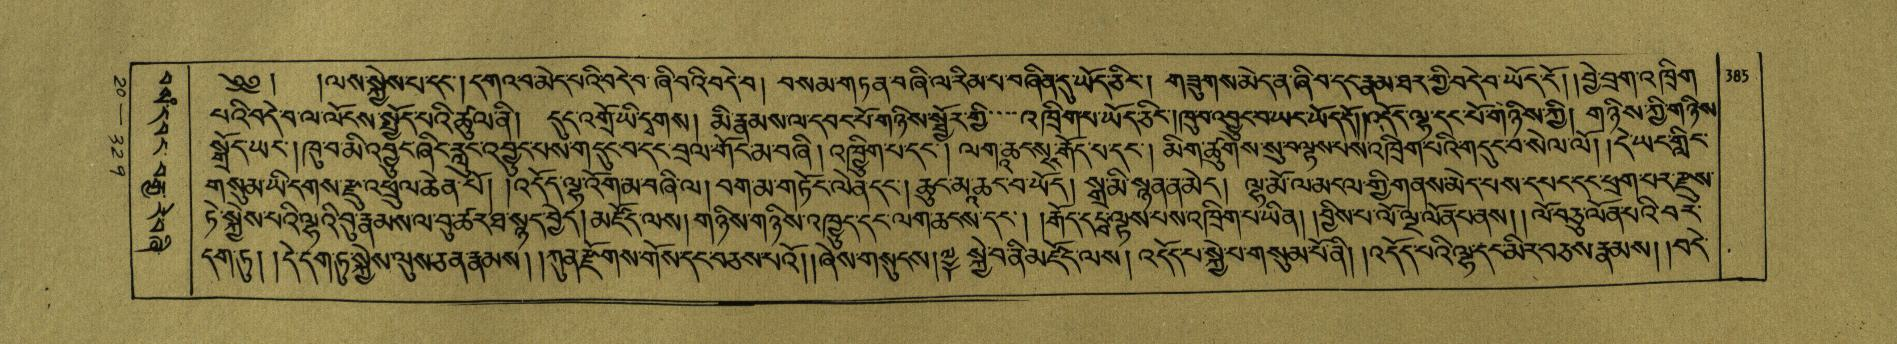༄༅། །ལས་སྐྱེས་པ་དང་། དགའ་བ་མེད་པའི་བདེ་བ་ཞི་བའི་བདེ་བ། བསམ་གཏན་བཞི་ལ་རིམ་པ་བཞིན་དུ་ཡོད་ཅིང་། གཟུགས་མེད་ན་ཞི་བ་དང་རྣམ་ཐར་གྱི་བདེ་བ་ཡོད་དོ། །བྱེ་བྲག་འཁྲིག་
པའི་བདེ་བ་ལ་ལོངས་སྤྱོད་པའི་ཚུལ་ནི། དུད་འགྲོ་ཡི་དྭགས། མི་རྣམས་ལ་དབང་པོ་གཉིས་སྦྱོར་གྱི་འཁྲིག་པ་ཡོད་ཅིང་། ཁུ་བ་འབྱུང་བ་ཡང་ཡོད་དོ། །འདོད་ལྷ་དང་པོ་གཉིས་ཀྱི། གཉིས་ཀྱི་གཉིས་
སྒྲོད་ཡང་། ཁུ་བ་མི་འབྱུང་ཞིང་རླུང་འབྱུང་པས་གདུང་བ་དང་བྲལ་གོང་མ་བཞི། འཁྱུཨིག?་པ་དང་། ལག་འཆངས་རྒོད་པ་དང་། མིག་ཚུགས་སུ་བལྟས་པས་འཁྲིག་པའི་གདུང་བ་སེལ་ལོ། །དེ་ཡང་གླིང་
གསུམ་ཡི་དགས་རྫུ་འཕྲུལ་ཆེན་པོ། །འདོད་ལྷ་འོག་མ་བཞི་ལ། བག་མ་གཏོང་ལེན་དང་། ཆུང་མ་འཆང་བ་ཡོད། སྒྲ་མི་སྙན་ན་མེད། ལྷ་མོ་ལ་མངལ་གྱི་གནས་མེད་པས་དཔང་དང་ཕྲག་པར་རྫུས་
ཏེ་སྐྱེས་པའི་ལྷའི་བུ་རྣམས་ལ་བུ་ཚར་ཐ་སྙད་བྱེད། མཛོད་ལས། གཉིས་གཉིས་འཁྱུད་དང་ལག་ཆངས་དང་། །རྒོད་དབང?་ལྟས་པས་འཁྲིག་པ་ཡིན། །བྱིས་པ་ལོ་ལྔ་ལོན་པ་ནས། །ལོ་བཅུ་ལོན་པའི་བར་
དག་ཏུ། །དེ་དག་ཏུ་སྐྱེས་ལུས་ཅན་རྣམས། །ཀུན་རྫོགས་གོས་དང་བཅས་པའོ། །ཞེས་གསུངས། ༈ སྐྱེ་བ་ནི་མཛོད་ལས། འདོད་པ་སྐྱེ་པ་གསུམ་པོ་ནི། །འདོད་པའི་ལྷ་དང་མིར་བཅས་རྣམས། །བདེ་